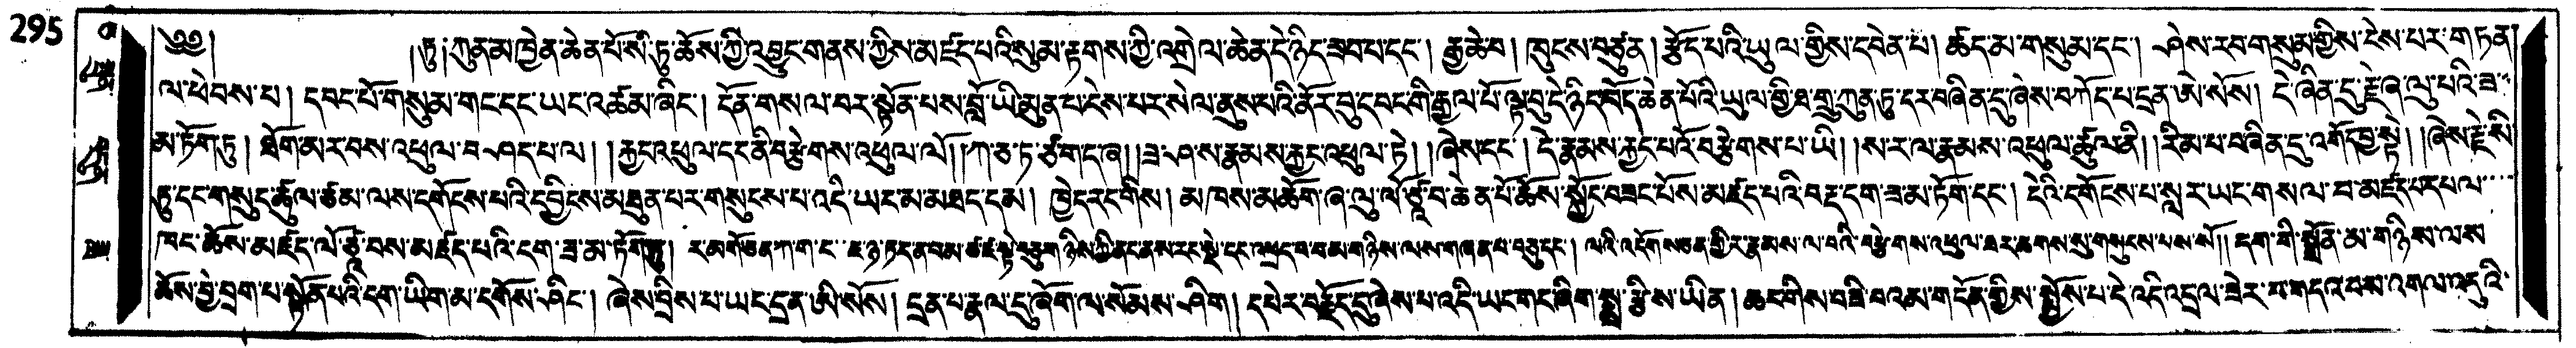༄༅། །ཏུ༑ ཀུན་མཁྱེན་ཆེན་པོ་སི་ཏུ་ཆོས་ཀྱི་འབྱུང་གནས་ཀྱིས་མཛད་པའི་རྟགས་ཀྱི་འགྲེལ་ཆེན་དེ་ཉིད་ཟབ་པ་དང་། རྒྱ་ཆེ་བ། ཁུངས་བཙུན། རྩོད་པའི་ཡུལ་གྱིས་དབེན་པ། ཚད་མ་གསུམ་དང་། ཤེས་རབ་གསུམ་གྱིས་ངེས་པར་གཏན་
ལ་ཕེབས་པ། དབང་པོ་གསུམ་གང་དང་ཡང་འཚམ་ཞིང་། དོན་གསལ་བར་སྟོན་པས་བློ་ཡི་མུན་པ་ངེས་པར་སེལ་ནུས་པའི་ནོར་བུ་དབང་གི་རྒྱལ་པོ་ལྟ་བུ་དེ་ཉིད་བོད་ཆེན་པོའི་ཡུལ་གྱི་ཐ་གྲུ་ཀུན་ཏུ་དར་བཞིན་དུ་ཞེས་བཀོད་པ་དྲན་ཨེ་སོས། དེ་ཞིན་དུ་རྗེ་ཞ་ལུ་པའི་ཟ་
མ་ཏོག་ཏུ། ཐོག་མར་བས་འཕུལ་བཤད་པ་ལ། །རྐྱང་འཕུལ་དང་ནི་བརྩེགས་འཕུལ་ལོ། །ཀ་ཅ་ཏ་ཙ་ག་ད་ཞ། །ཟ་ཤ་ས་རྣམས་རྐྱང་འཕུལ་ཏེ། །ཞེས་དང་། དེ་རྣམས་རྐྱང་པའོ་བརྩེགས་པ་ཡི། །ས་ར་ལ་རྣམས་འཕུལ་ཚུལ་ནི། །རིམ་པ་བཞིན་དུ་འགོད་བྱ་སྟེ། །ཞེས་རྗེ་སི་
ཏུ་དང་གསུང་ཚུལ་ཙམ་ལས་དགོངས་པའི་དབྱིངས་མཐུན་པར་གསུངས་པ་འདི་ཡང་མ་མཐད་དམ། ཁྱེད་རང་གིས། མཁས་མཆོག་ཞ་ལུ་ལོ་ཙཱ་བ་ཆེན་པོ་ཆོས་སྐྱོང་བཟང་པོས་མཛད་པའི་བརྡ་དག་ཟ་མ་ཏོག་དང་། དེའི་དགོངས་པ་སླར་ཡང་གསལ་བ་མཛད་པ་དཔལ་
ཁང་ཆོས་མཛད་ལོ་ཙཱ་བས་མཛད་པའི་དག་ཟ་མ་ཏོག་ཏུ། ར་མགོ་ཅན་ཀ་ག་ང་ཇ་ཉ་ཏ་ད་ན་བ་མ་ཙ་ཛ་སྟེ་བཅུ་གཉིས་ཀྱི་ནང་ནས་རང་སྡེ་དང་འཕྲད་བ་བ་མ་གཉིས་ལས་གཞན་པ་བཅུ་དང་། ལའི་འདོགས་ཅན་གྱིར་རྣམས་ལ་བའི་བརྩེགས་འཕུལ་ཐར་ཆགས་སུ་གསུངས་པས་སོ། །དག་གི་སྒྲོན་མ་གཉིས་ལས་
ཆོས་བྱེ་བྲག་པ་སྟོན་པའི་དག་ཡིག་མ་དགོས་ཤིང་། ཞེས་བྲིས་པ་ཡང་དྲན་ཨི་སོས། དྲན་པ་རྣལ་དུ་ཞོག་ལ་སོམས་ཤིག། དཔེར་བརྗོད་དུ་ཞེས་པ་འདི་ཡང་གང་ཞིག་སྨྲ་རྩིས་ཡིན། ཆང་གིས་བཟི་བའམ། གདོན་གྱིས་སྨྱོས་པ་དེ་འདི་འདྲ་ལ་ཟེར་བ་གདའ་བས་འགལ་འདུའི་